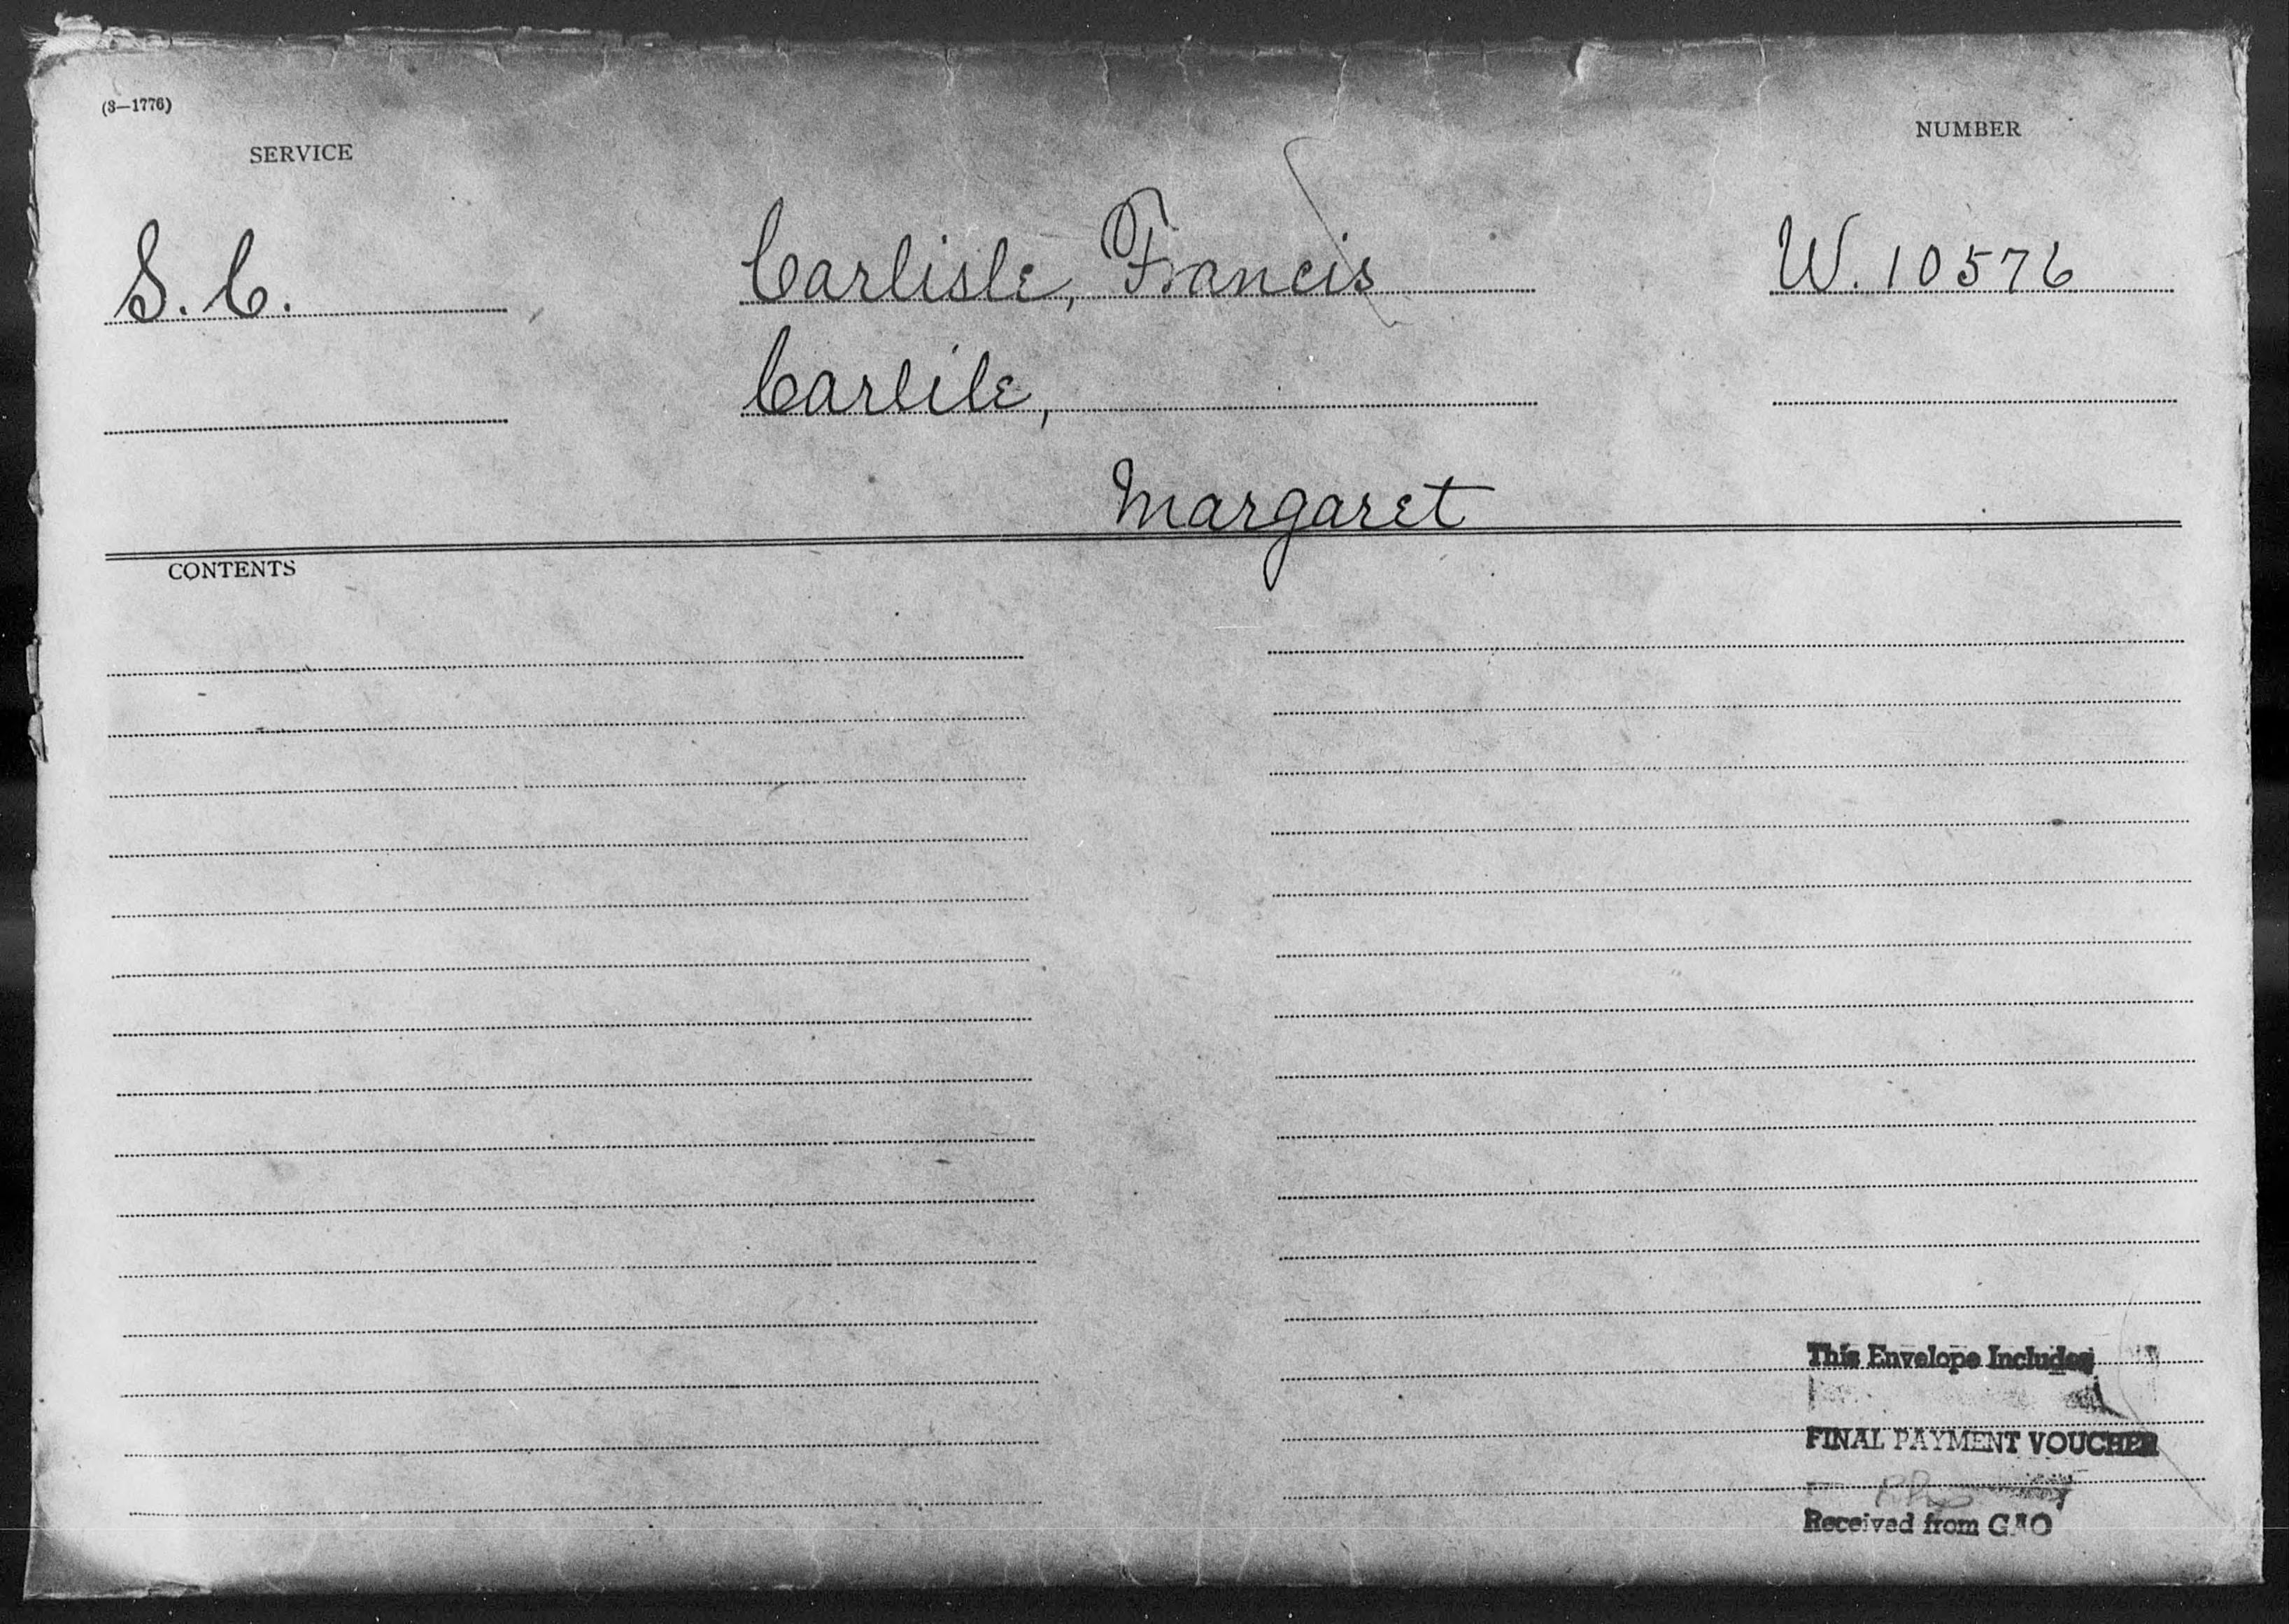(3 - 1776)
SERVICE
S. C.

Carlisle, Francis
Carlile,
Margaret

NUMBER
W. 10576

CONTENTS

This Envelope Includes
Received from GAO
FINAL PAYMENT VOUCHER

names: Francis Carlile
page: 1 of 91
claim: widow's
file: W. 10576, Francis Carlisle, S.C.